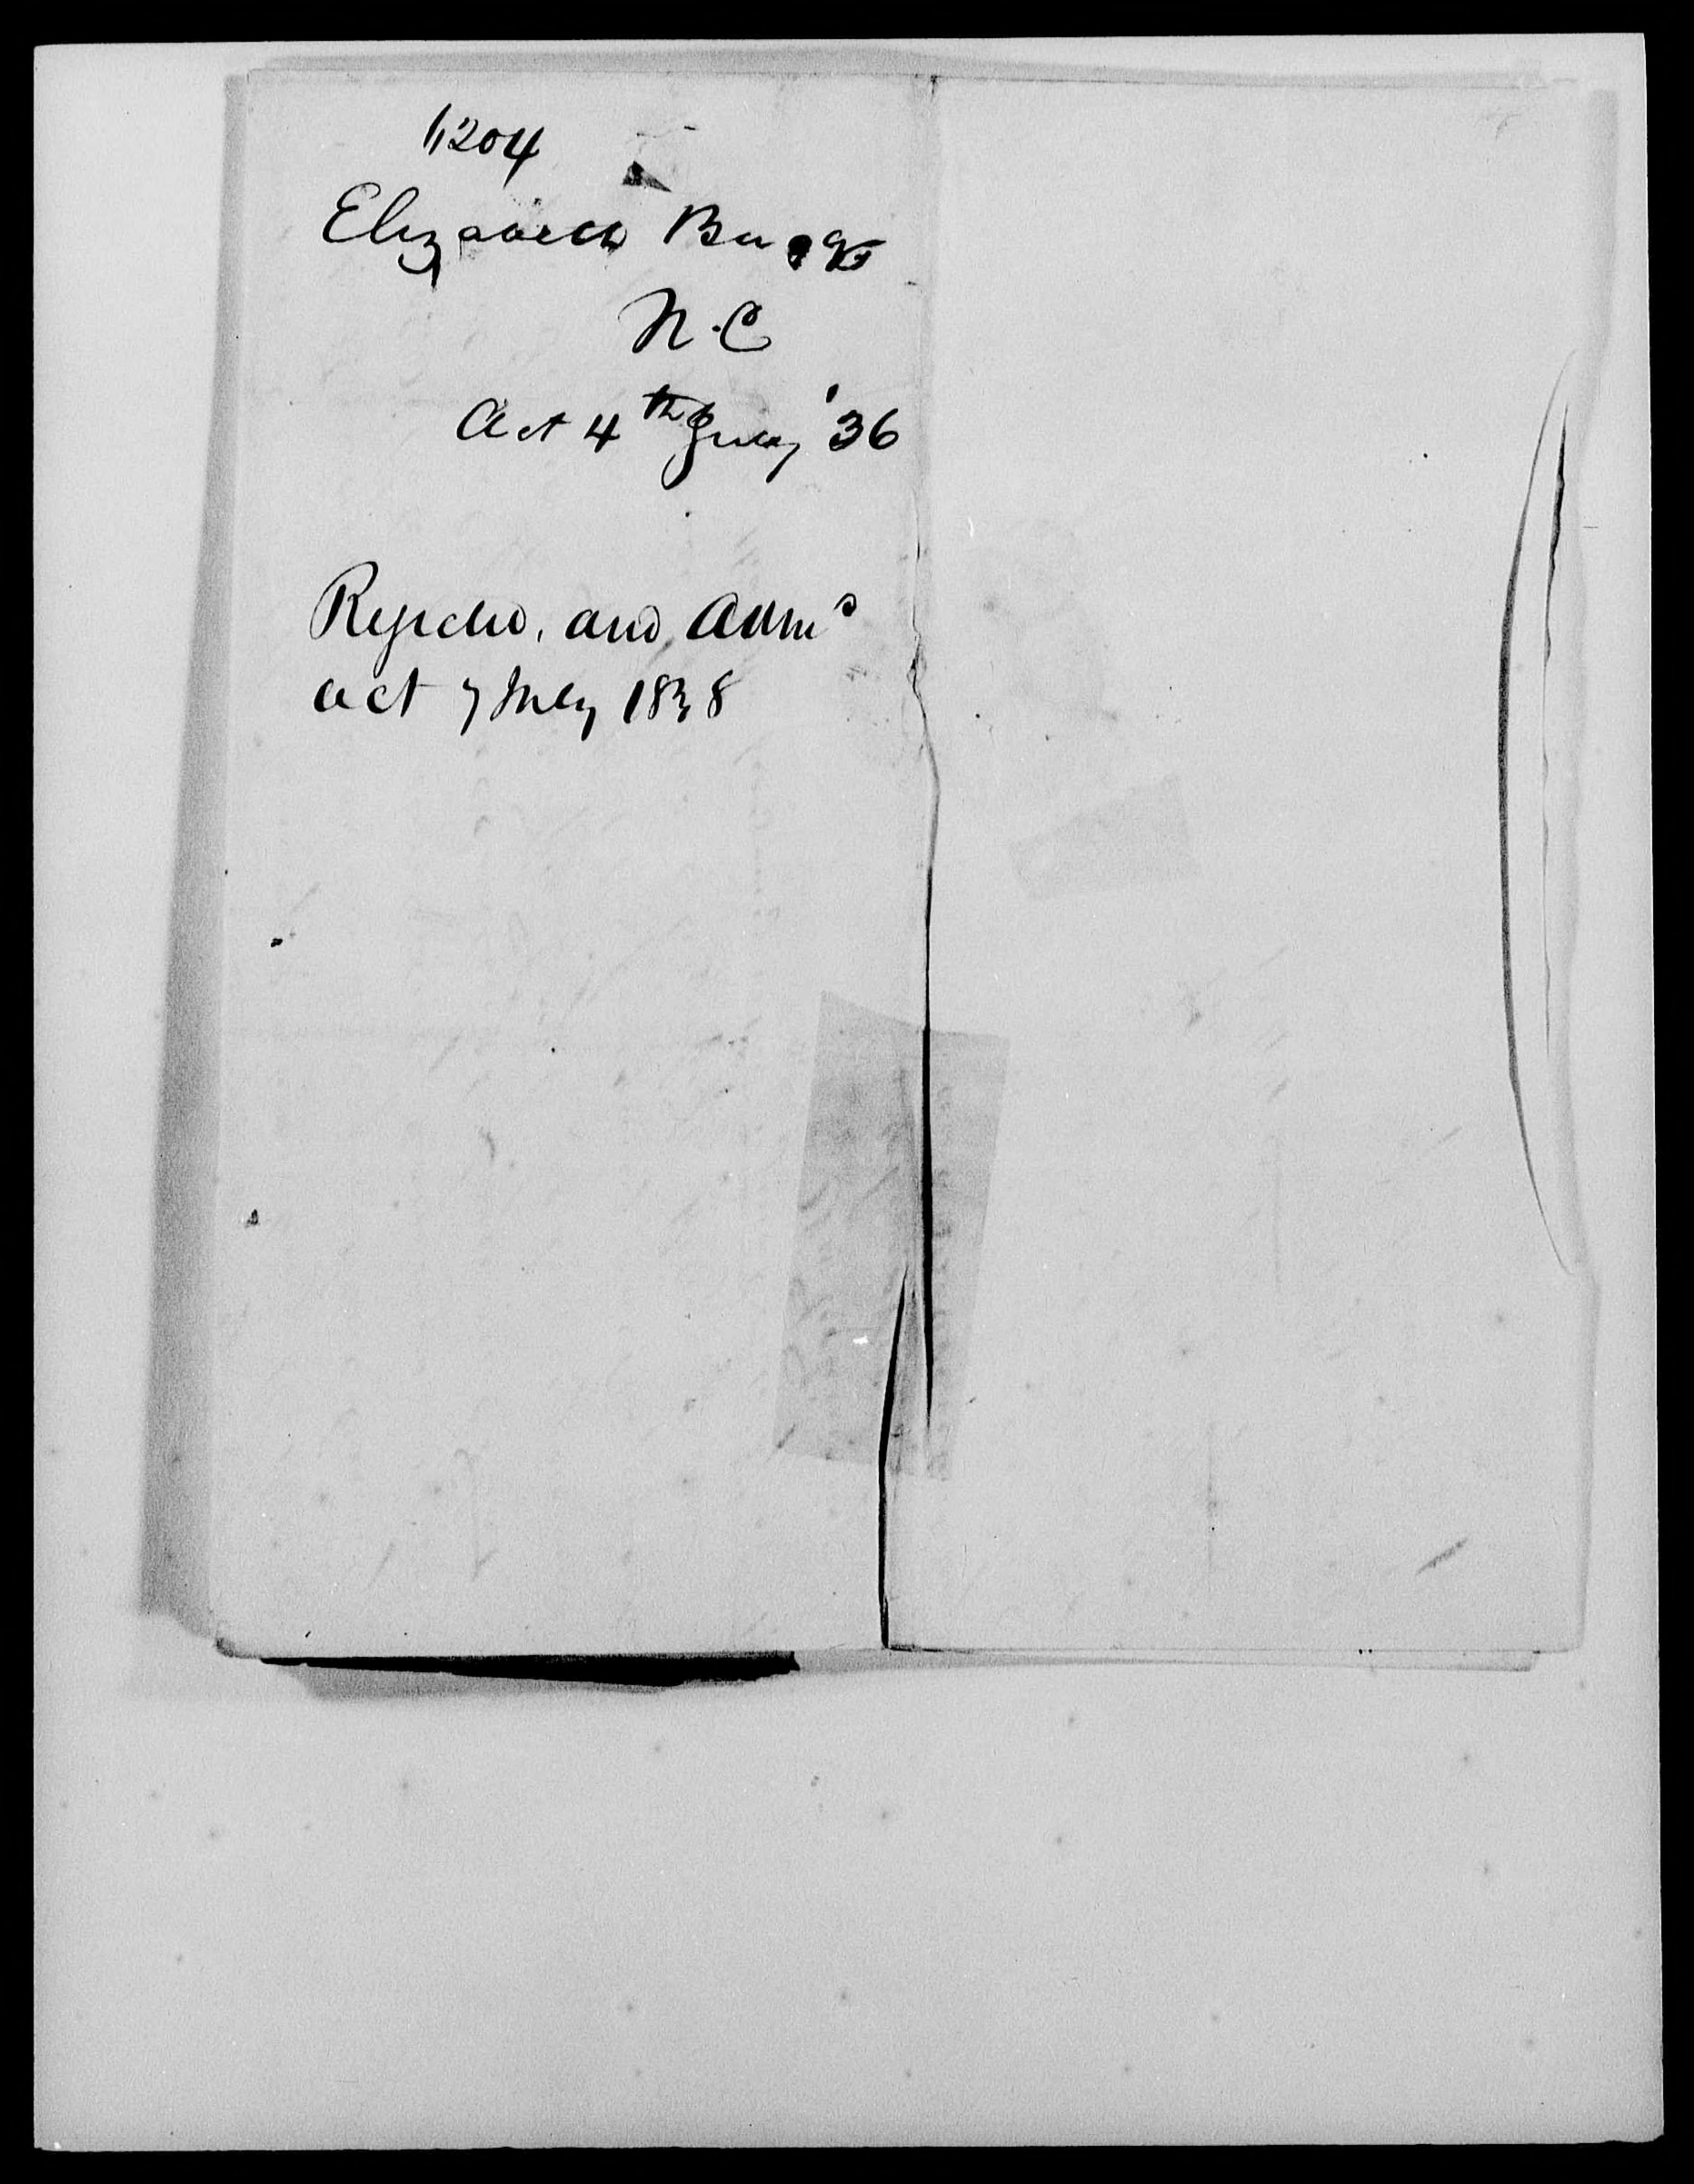1,204
Elizabeth Bug [or Bugg]
N.C
Act 4th July '36 [meaning 1836]

Rejected, and Admd 
act 7 July 1838

[It appears that a rectangle of tape had been placed at some point in time, vertically, to mend part of the record near the bottom of the page.]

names: Elizabeth Bugg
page: 3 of 50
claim: widow's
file: W. 898, William Bugg, N.C.